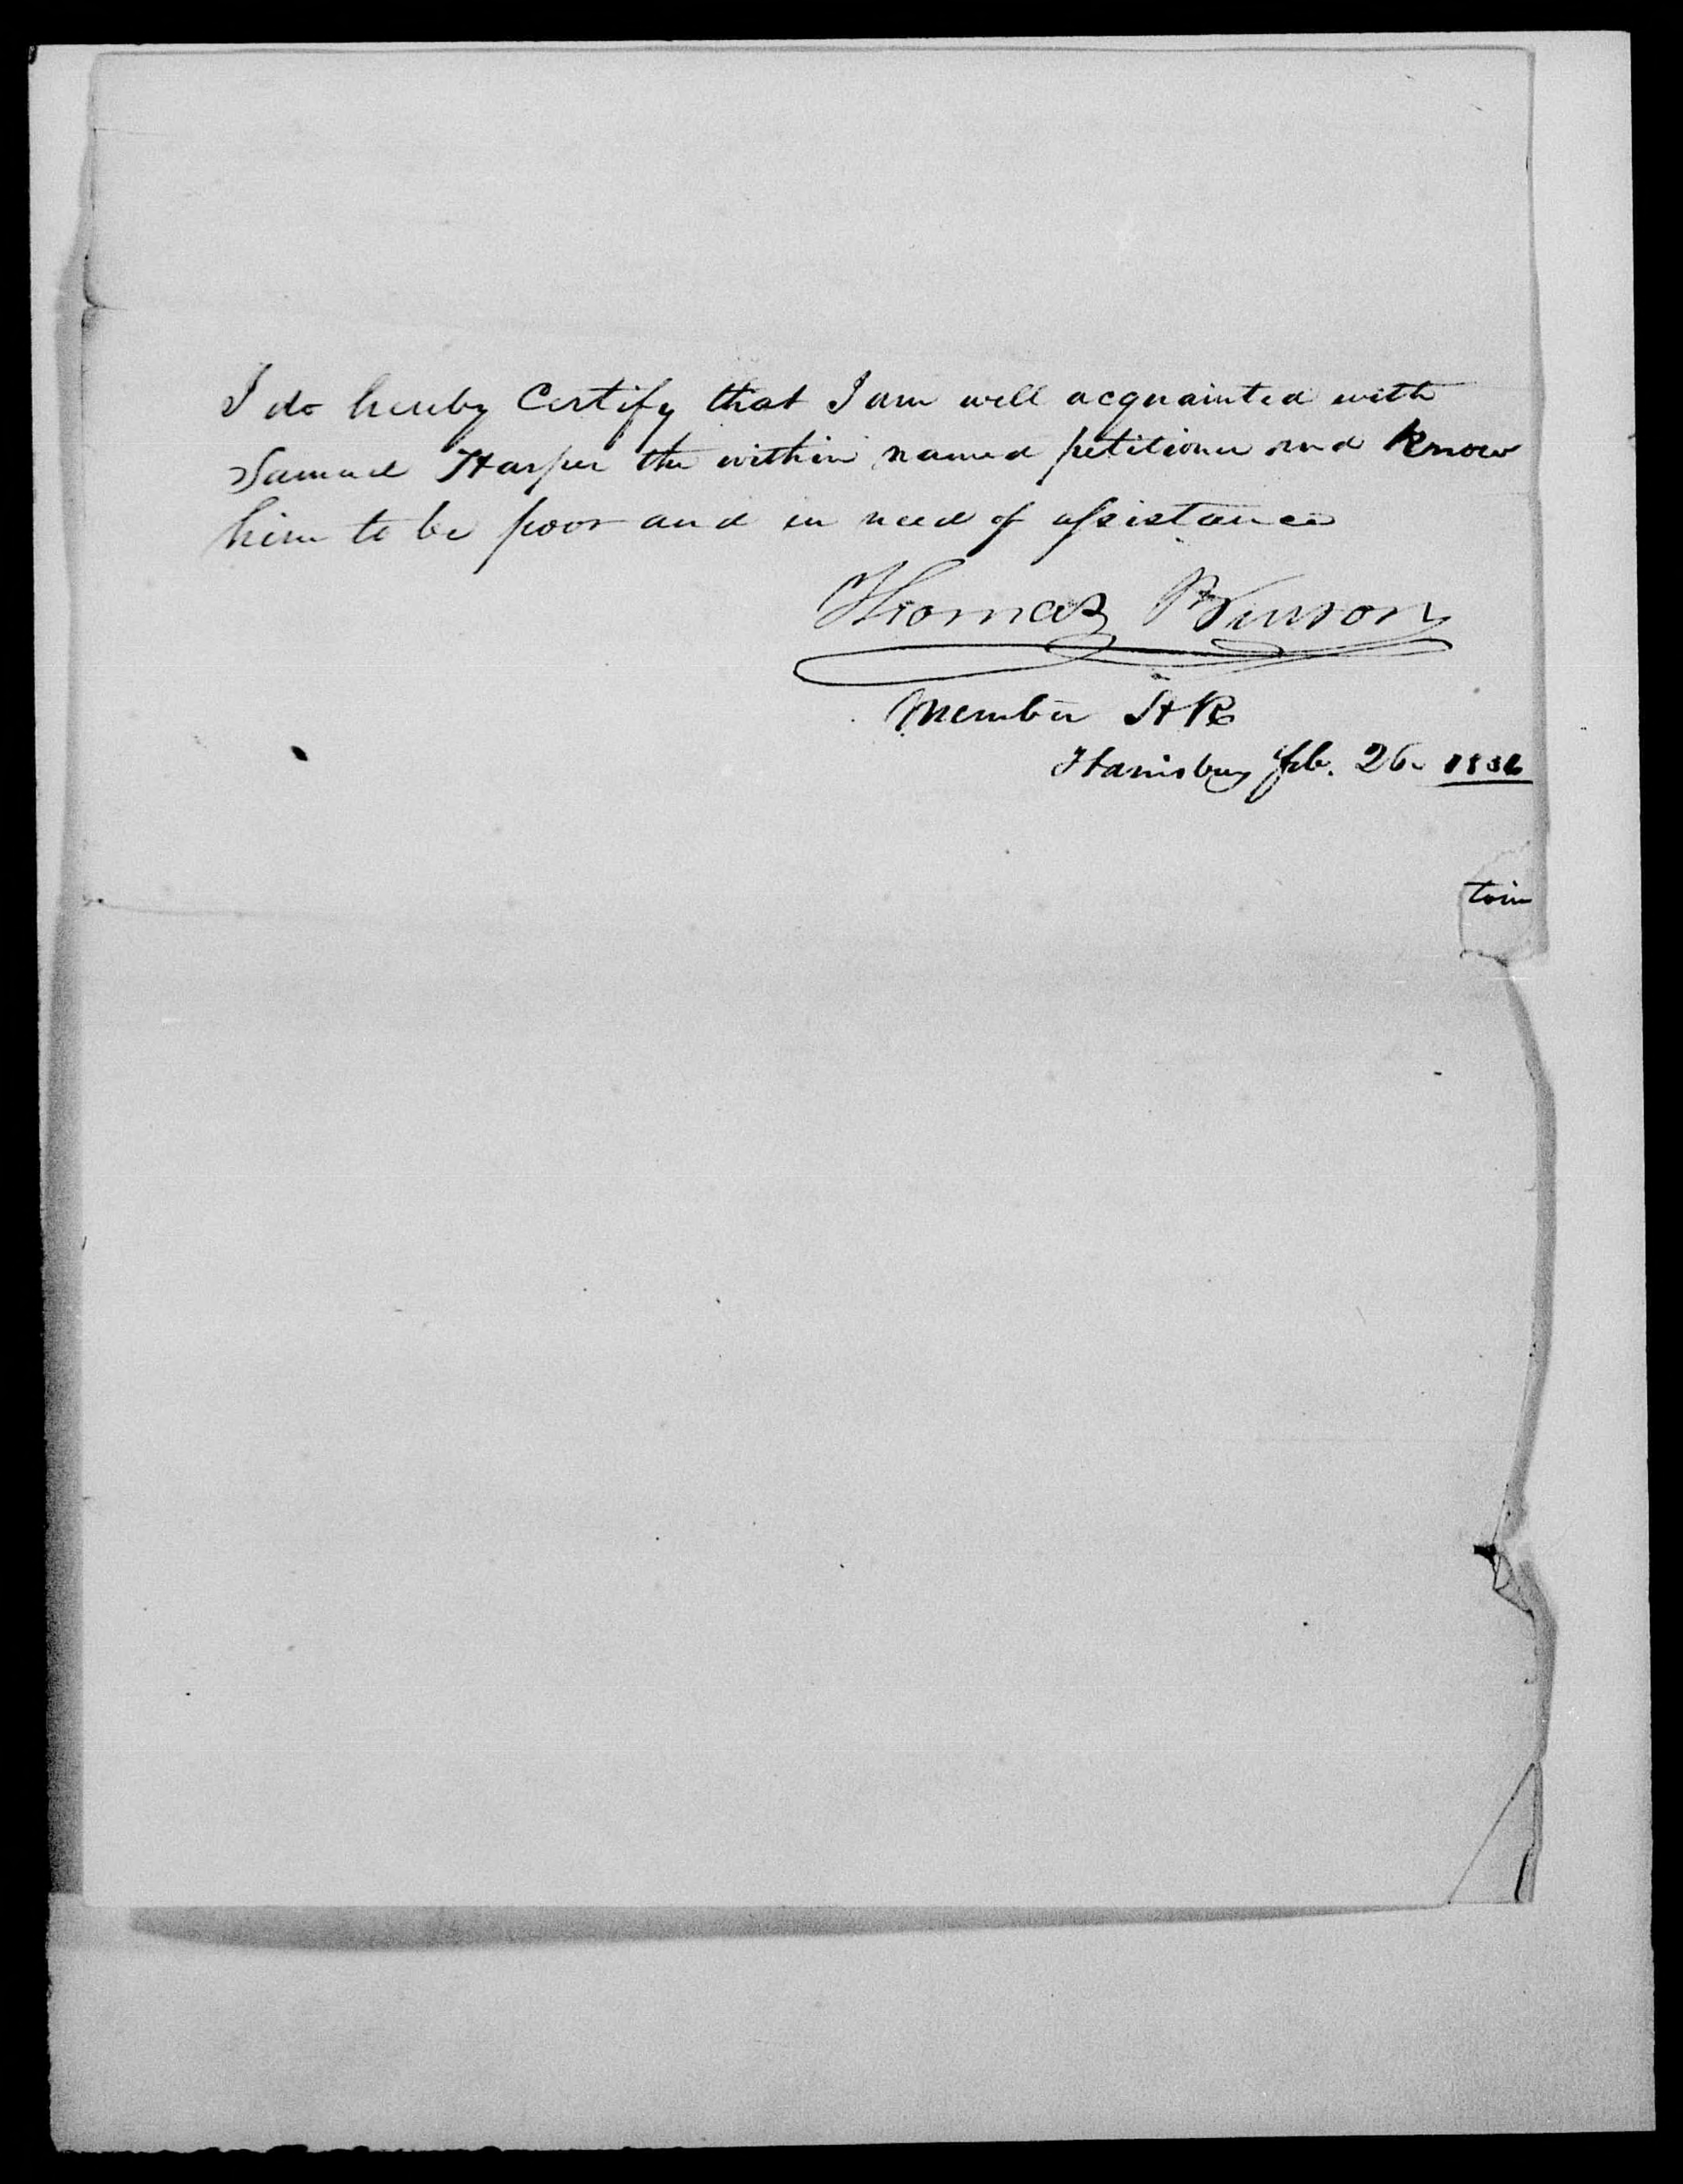I do hereby certify that I am well acquainted with Samuel Harper the within named petitioner and know him to be [illegible] and in need of assistance
Thomas Branson
Member [illegible]
Harrisburg Feb. 26, 1836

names: Samuel Harper, Thomas Benson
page: 72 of 81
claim: survivor's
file: S. 1908, Richard Harper, N.C.